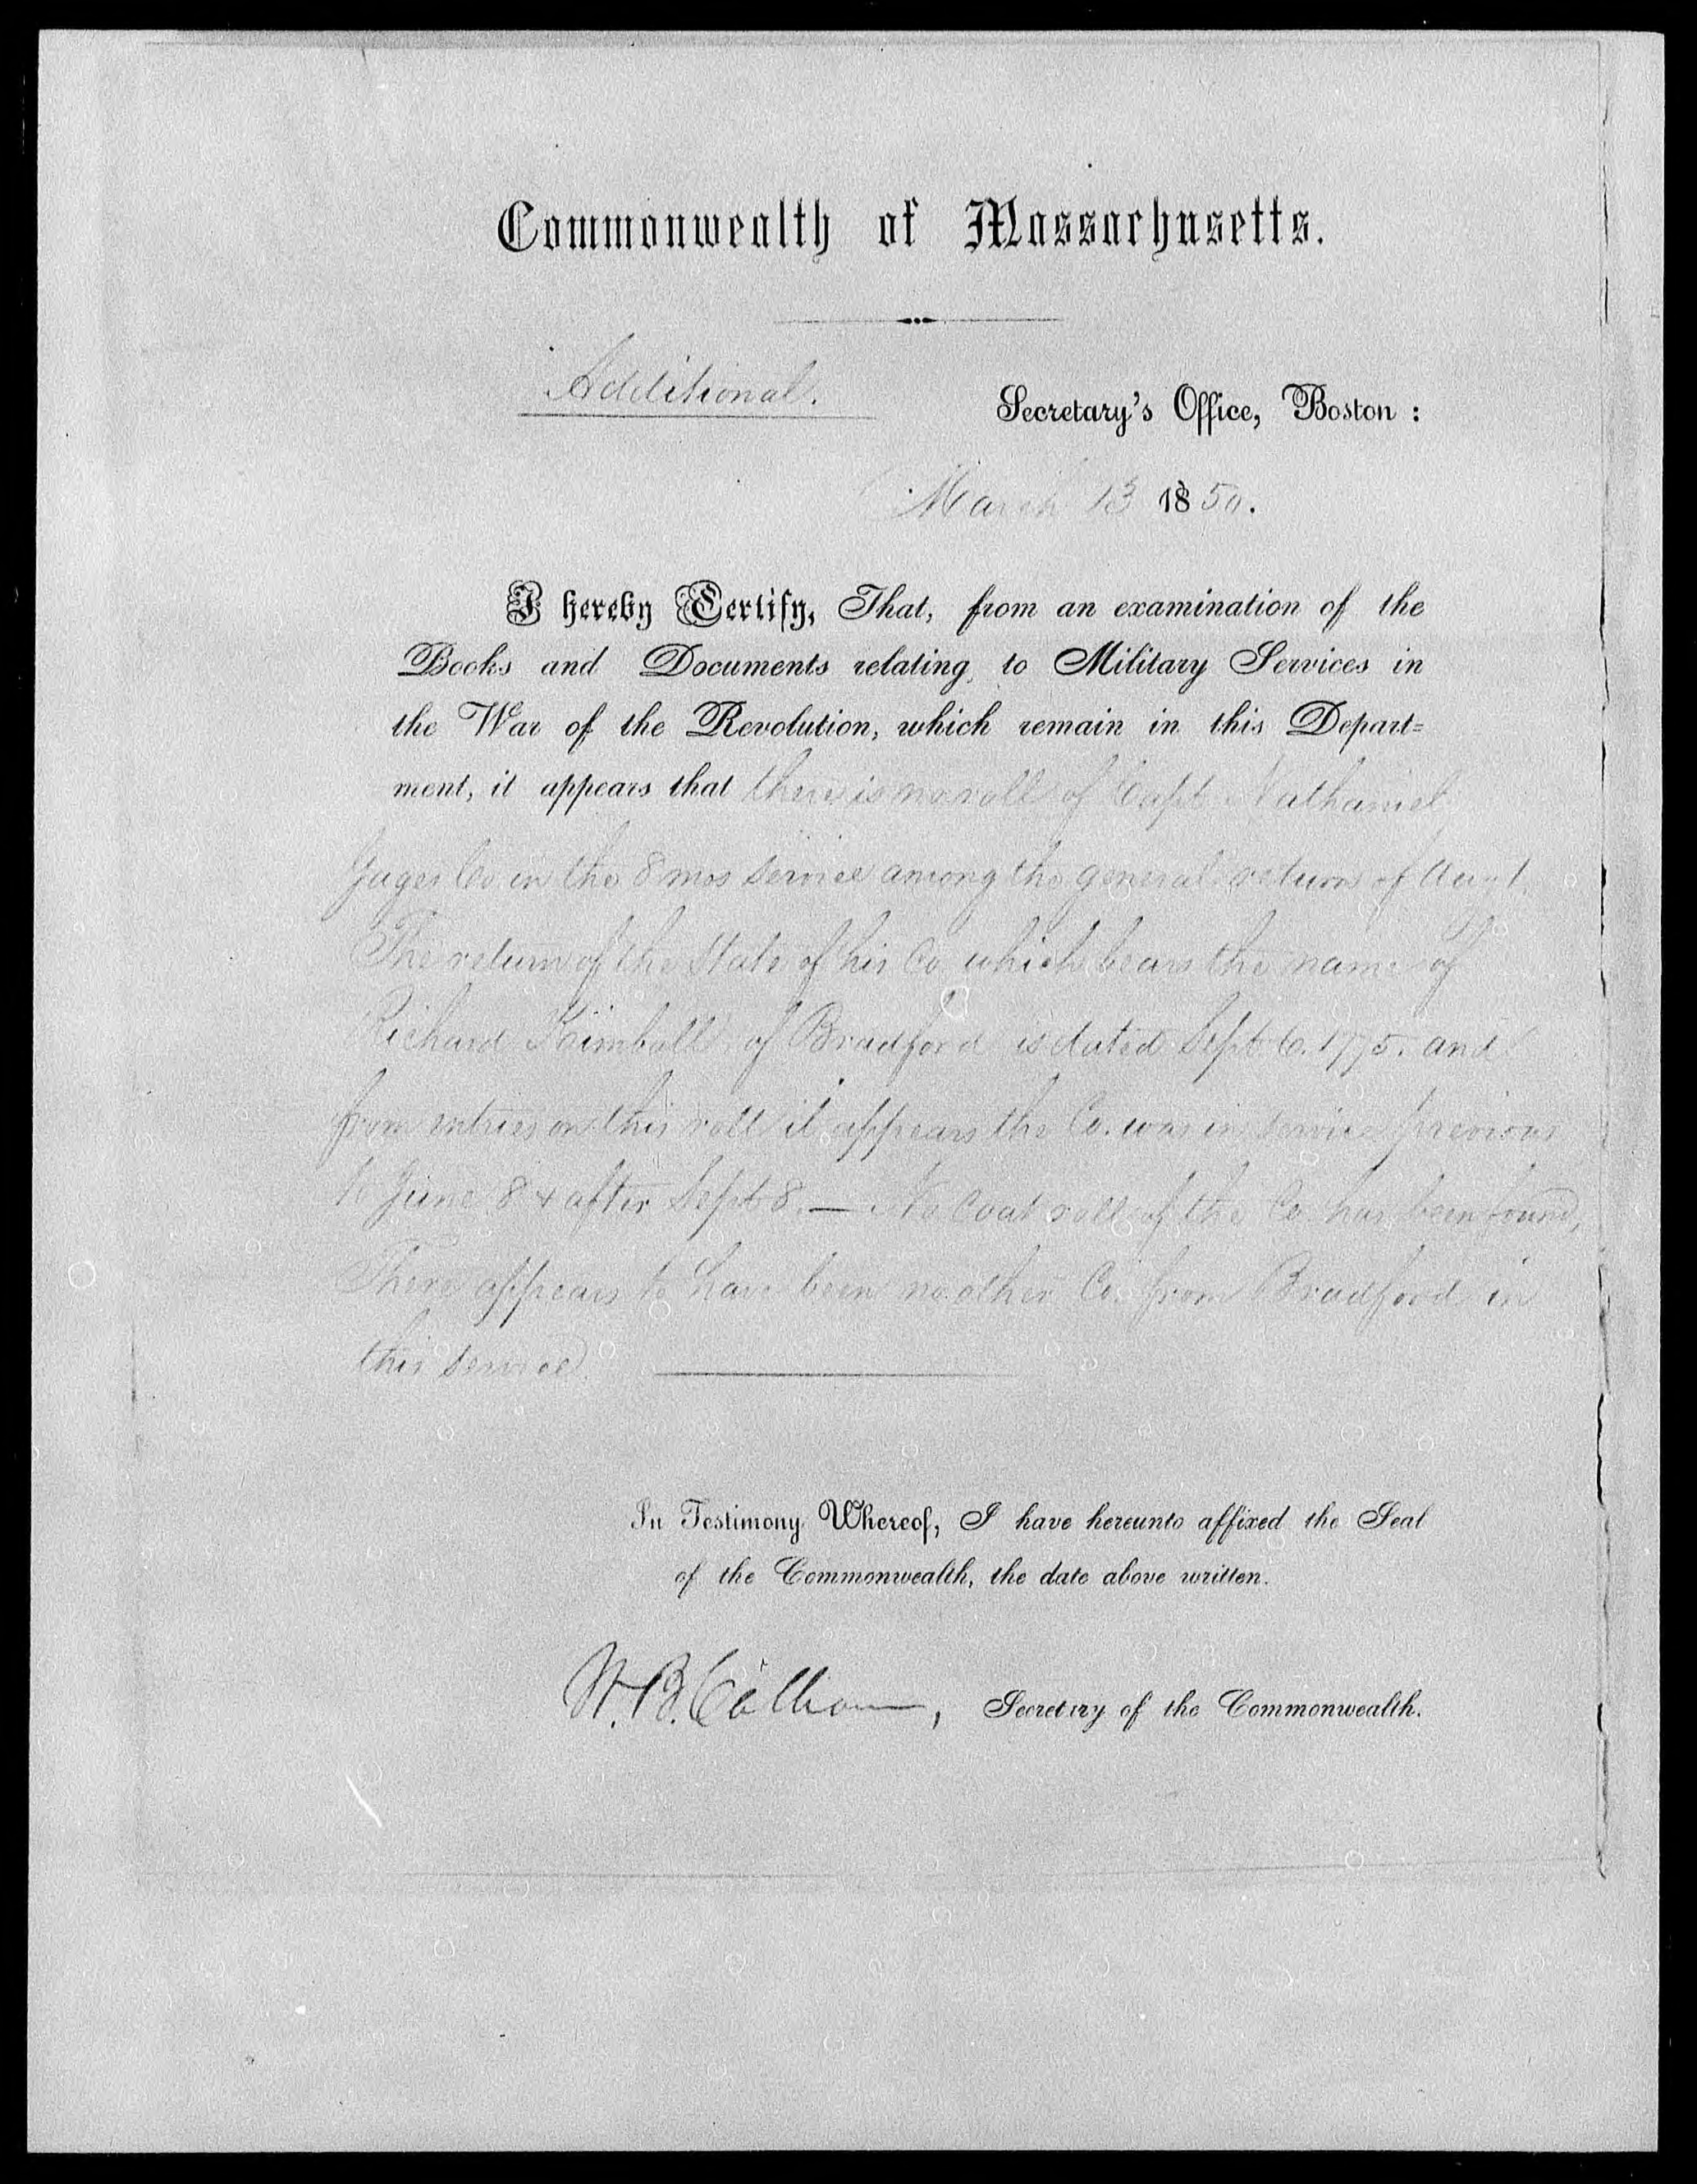Commonwealth of Massachusetts
Additional.
Secretary's Office, Boston:
March 13 1850

I hereby certify, that, from an examination of the Books and Documents relating to Military Services in the War of the Revolution, which remain in this Department, it appears that there is no roll of Capt Nathaniel Gages Co in the 8 mos service among the general return of May. The return of the state of his Co which bears the name of Richard Kimball of Bradford is dated Sept 6 1775, and from entries on this roll it appears the Co. was in service previous to June 8 + after Sept 8. - No coat roll of the Co has been found. There appears to have been no other Co from Bradford in the service.

In Testimony Whereof, I have hereunto affixed the Seal of the Commonwealth, the date above written.
W. B. Calhoun, Secretary of the Commonwealth.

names: W B Calhoun; Richard Kimball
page: 23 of 29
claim: widow's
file: W. 1779, for Richard Kimball, Massachusetts